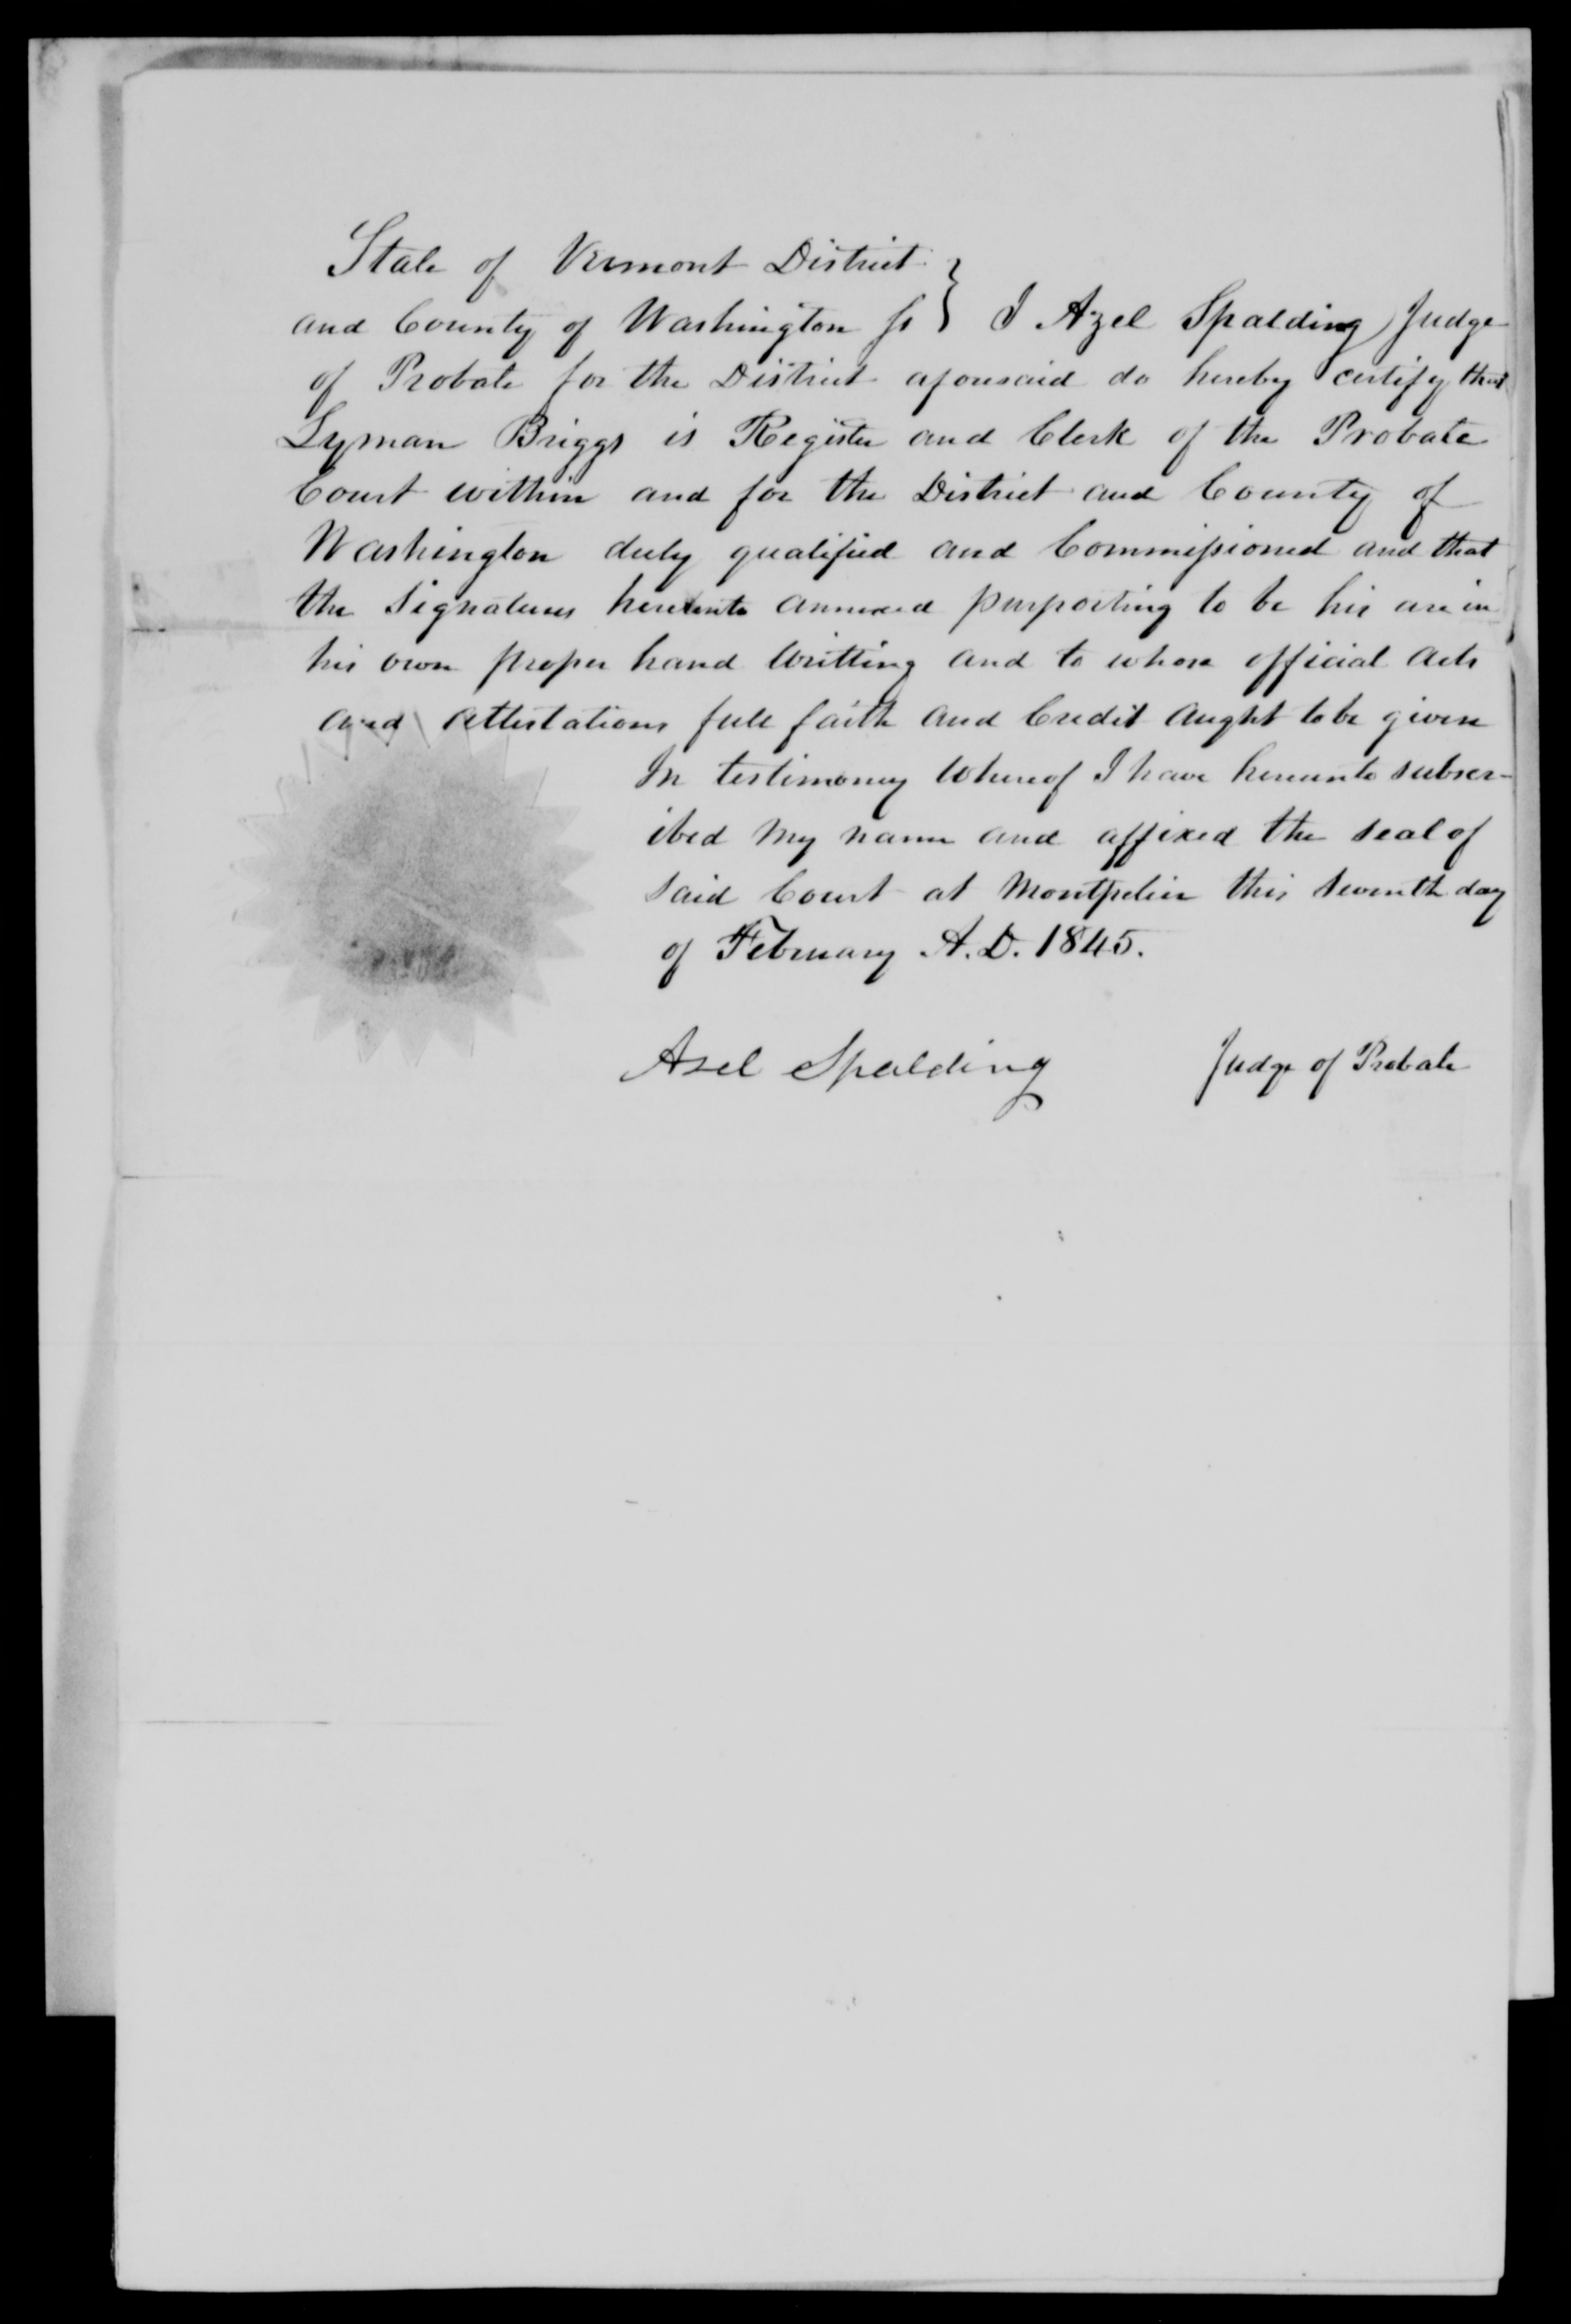State of Vermont District
and County of Washington SS

I Azel Spalding Judge of Probate for the District aforesaid do hereby certify that Lyman Briggs is Register and Clerk of the Probate Court within and for the District and County of Washington duly qualified and commissioned and that the signatures hereunto annexed purporting to be his are in his own proper hand writting and to whose official acts and attestations full faith and credit ought to be given.
In testimony whereof I have hereunto subscribed my name and affixed the seal of said Court at Montpelier this seventh day of February A.D. 1845
Azel Spalding Judge of Probate.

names: Azel Spalding, Lyman Briggs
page: 14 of 79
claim: survivor's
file: S. 11759, Samuel White, Mass.